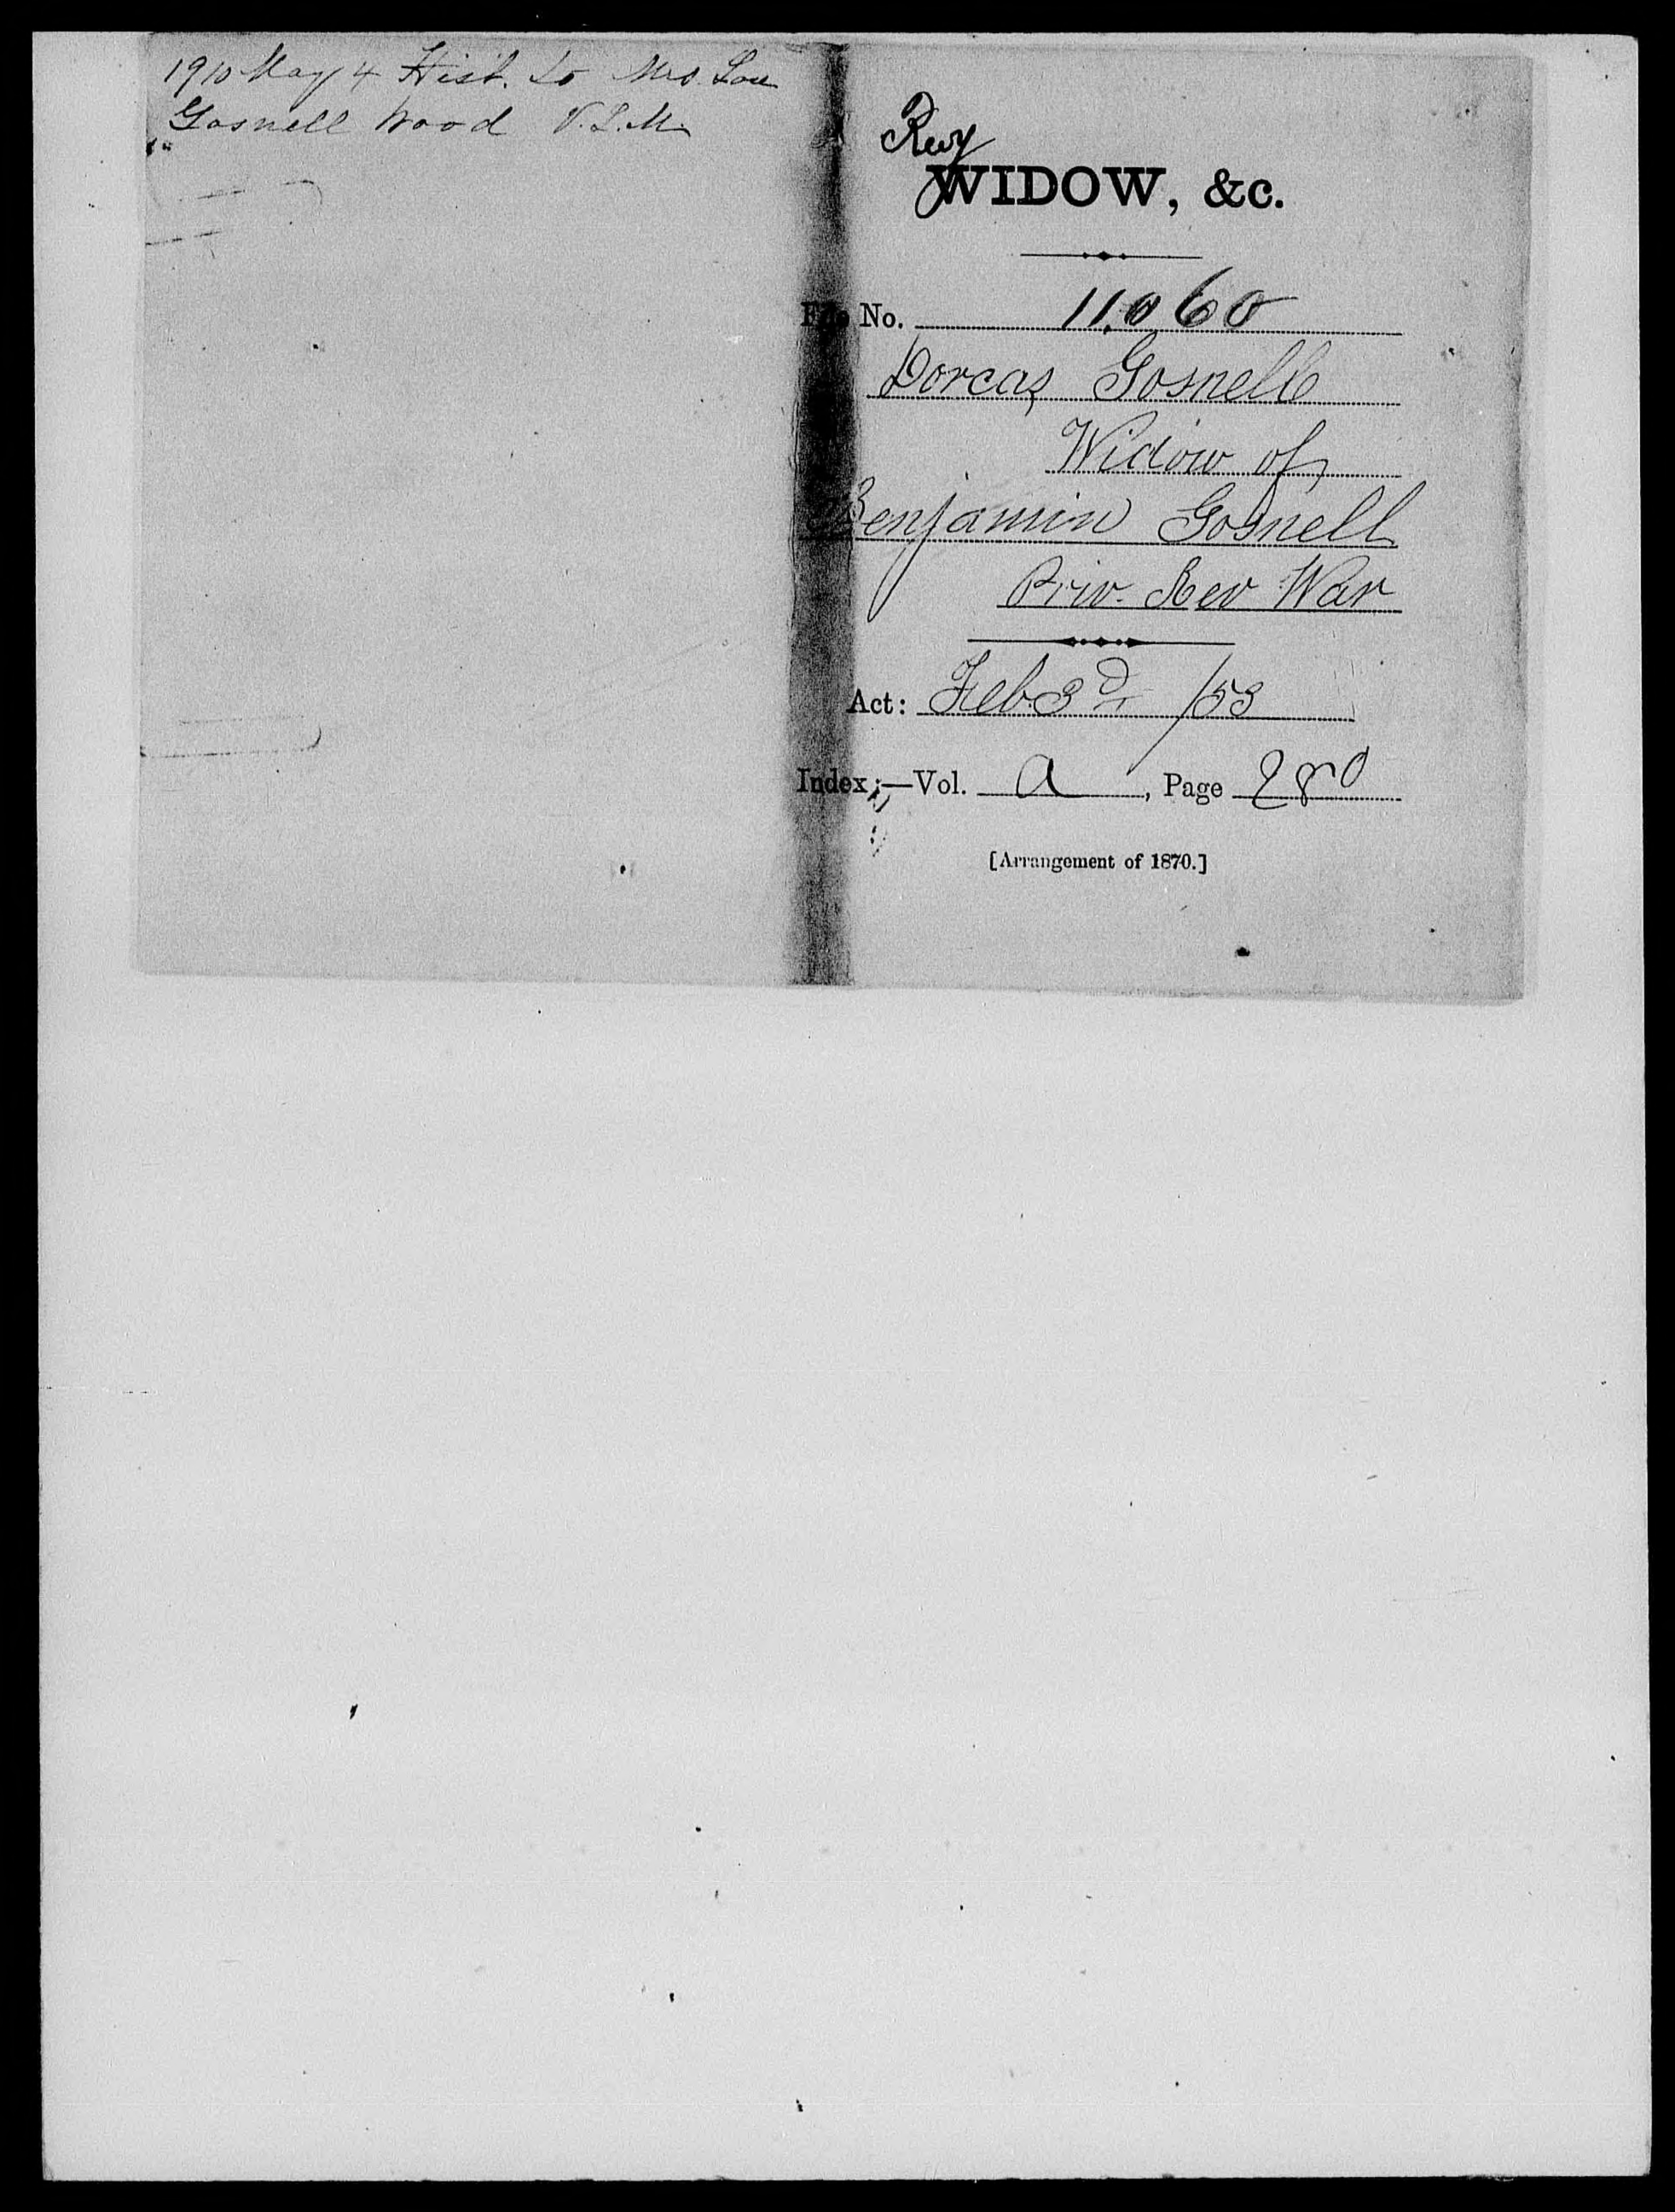[left page]
1910 May 4 Hist. to Mrs. Lou Gosnell Wood V. L. M.

[right page]
Revy WIDOW, &c.
File No. 11,060
Dorcas Gosnell
Widow of
Benjamin Gosnell
Priv. Rev War
Ac: Feb 3d /33
Index:- Vol. A, Page 280
[Arrangement of 1870.]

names: Lou Gosnell Wood, Dorcas Gosnell, Benjamin Gosnell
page: 21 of 39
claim: widow's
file: W. 11060, Benjamin Gosnell, Va.